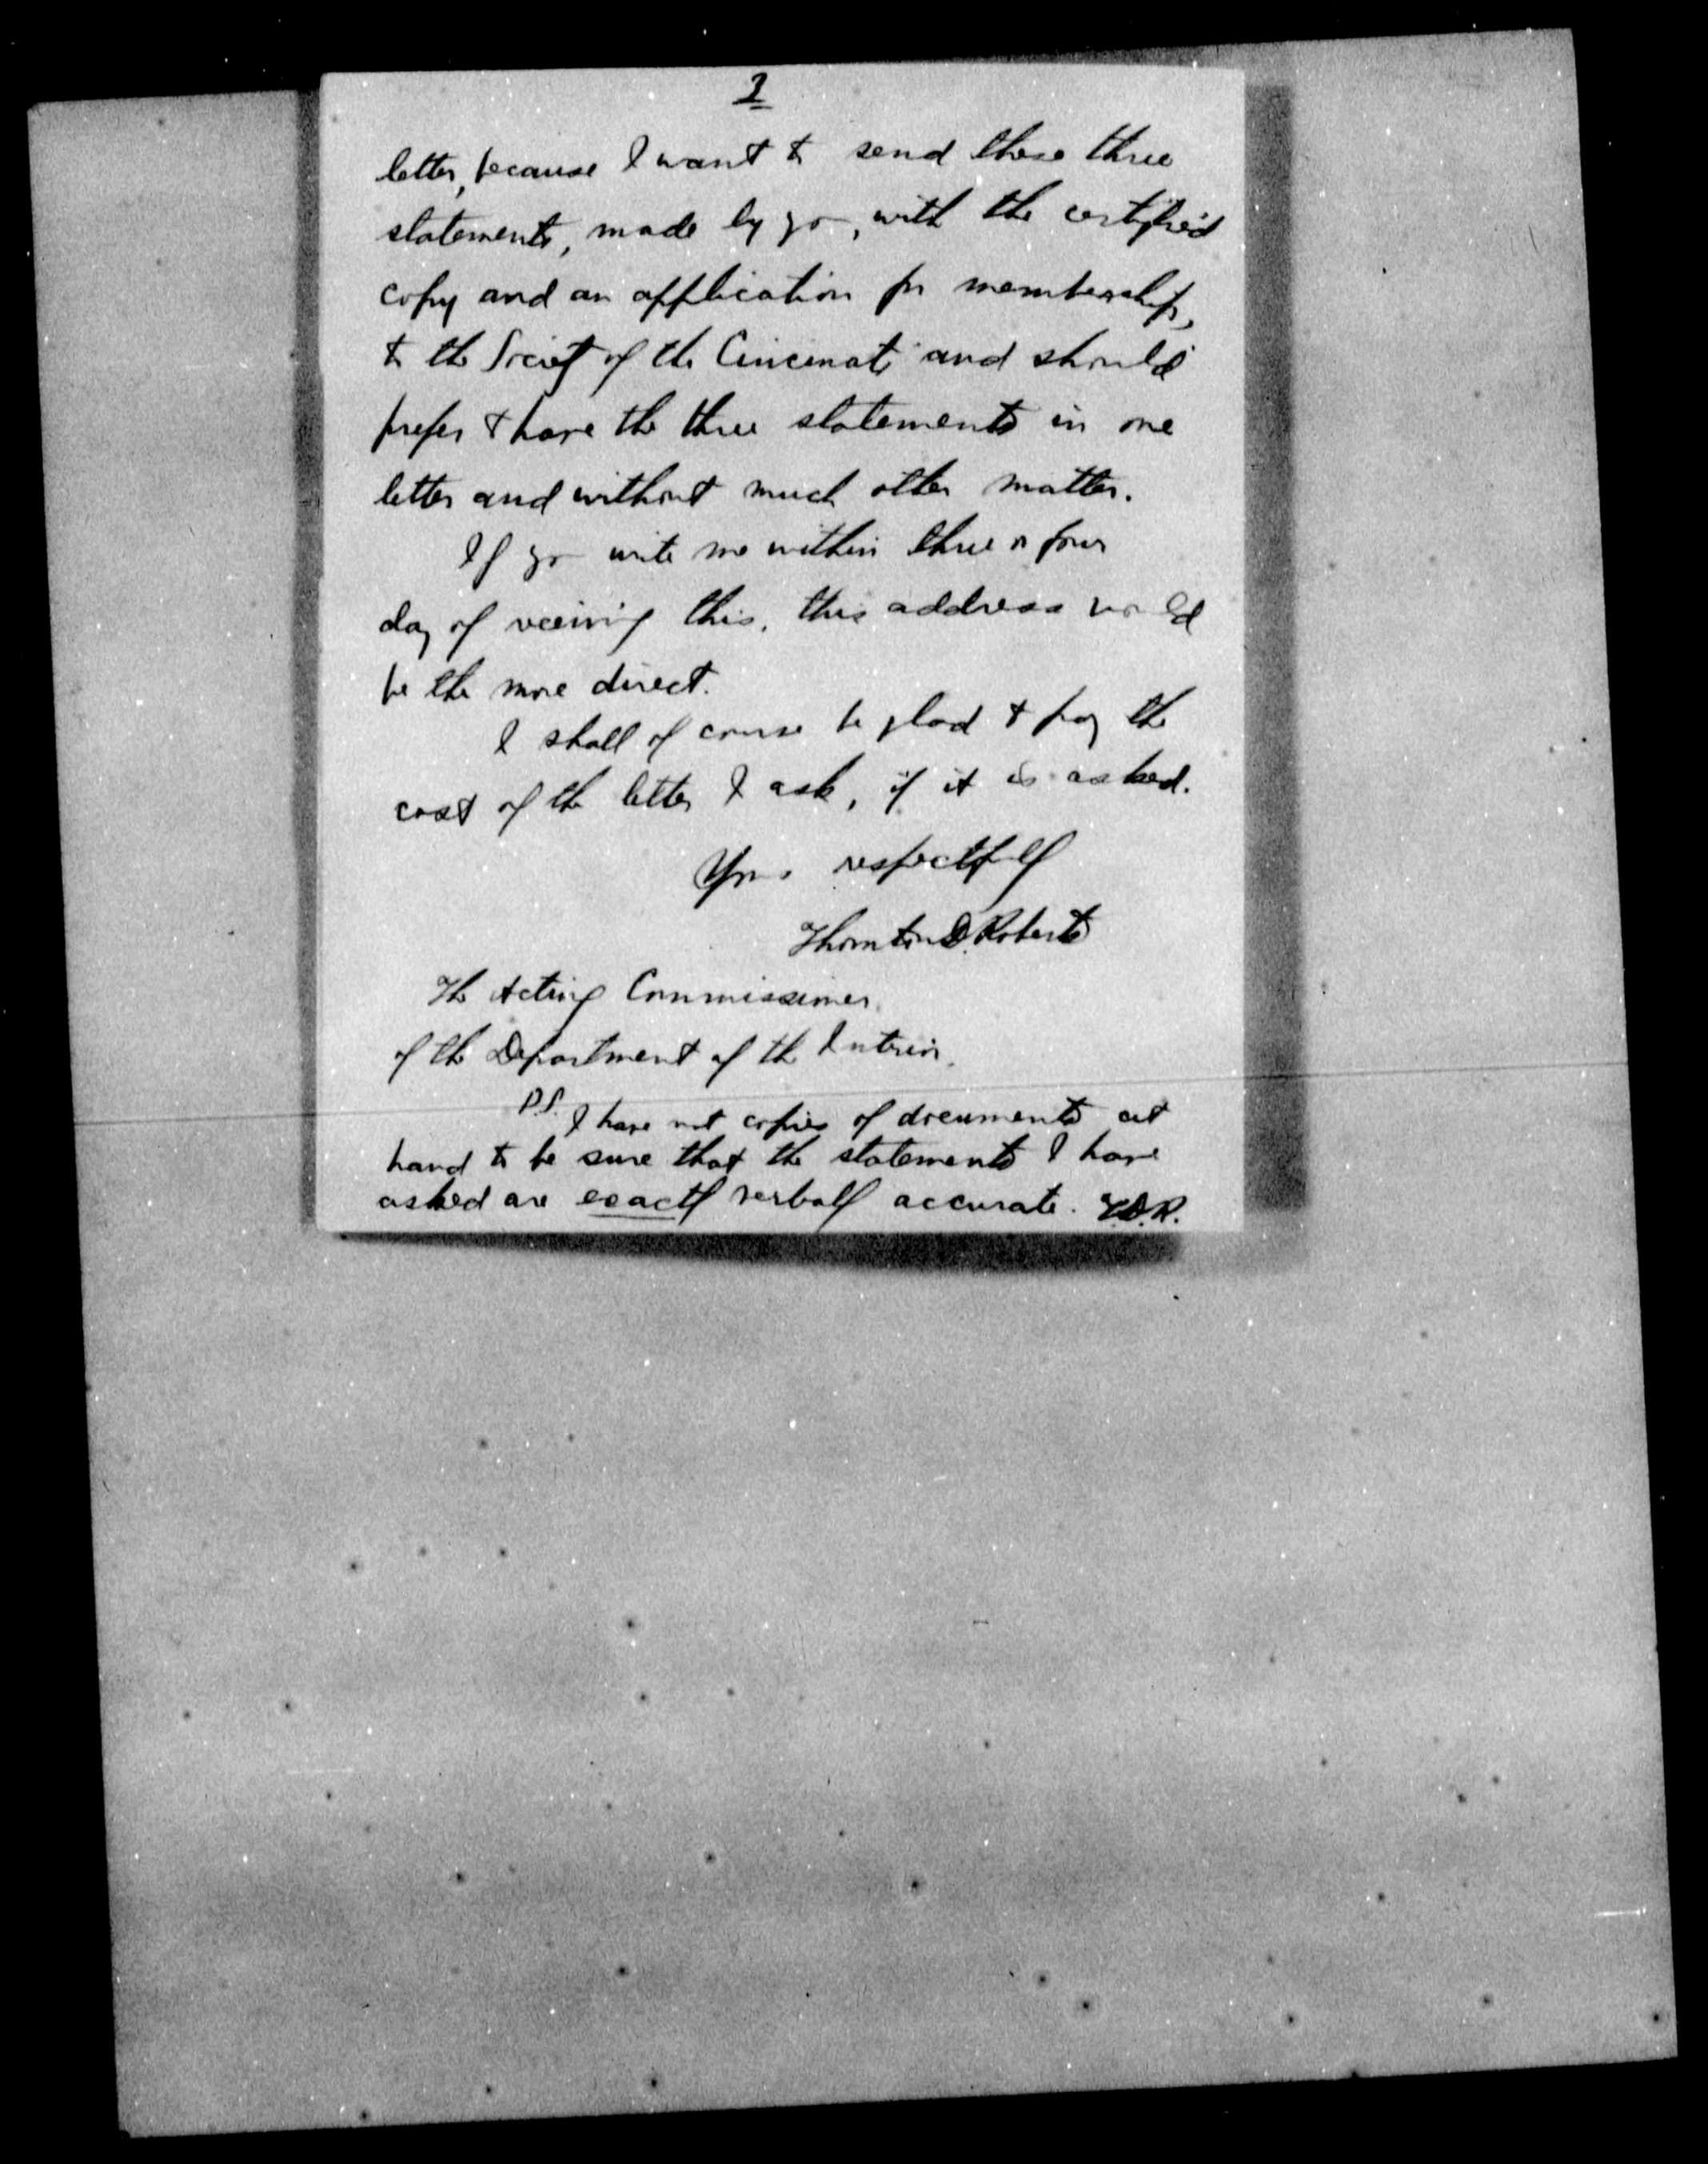3

letter because I want to send these 
statements made by you with the certified
copy and an application for membership
to the Society of the Cincinati and should 
prefer & have the three statements in one
letter and without much other matter.

If you write me within three or four
days of receiving this, this address would 
be the more direct.

I shall of course be glade to pay the 
cost of a letter I ask if it is asked.

Yours respectfully
Thornton D. Roberts


The Acting Commissioner
of the Department of the Interior.

P.S.  I have not copies of documents at
hand to be sure that the statements I have 
asked are exactly verbally accurate.  T.D.R.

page: 28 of 59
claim: bounty land warrant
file: B.L.Wt. 2359-500, for Owen Roberts, South Carolina